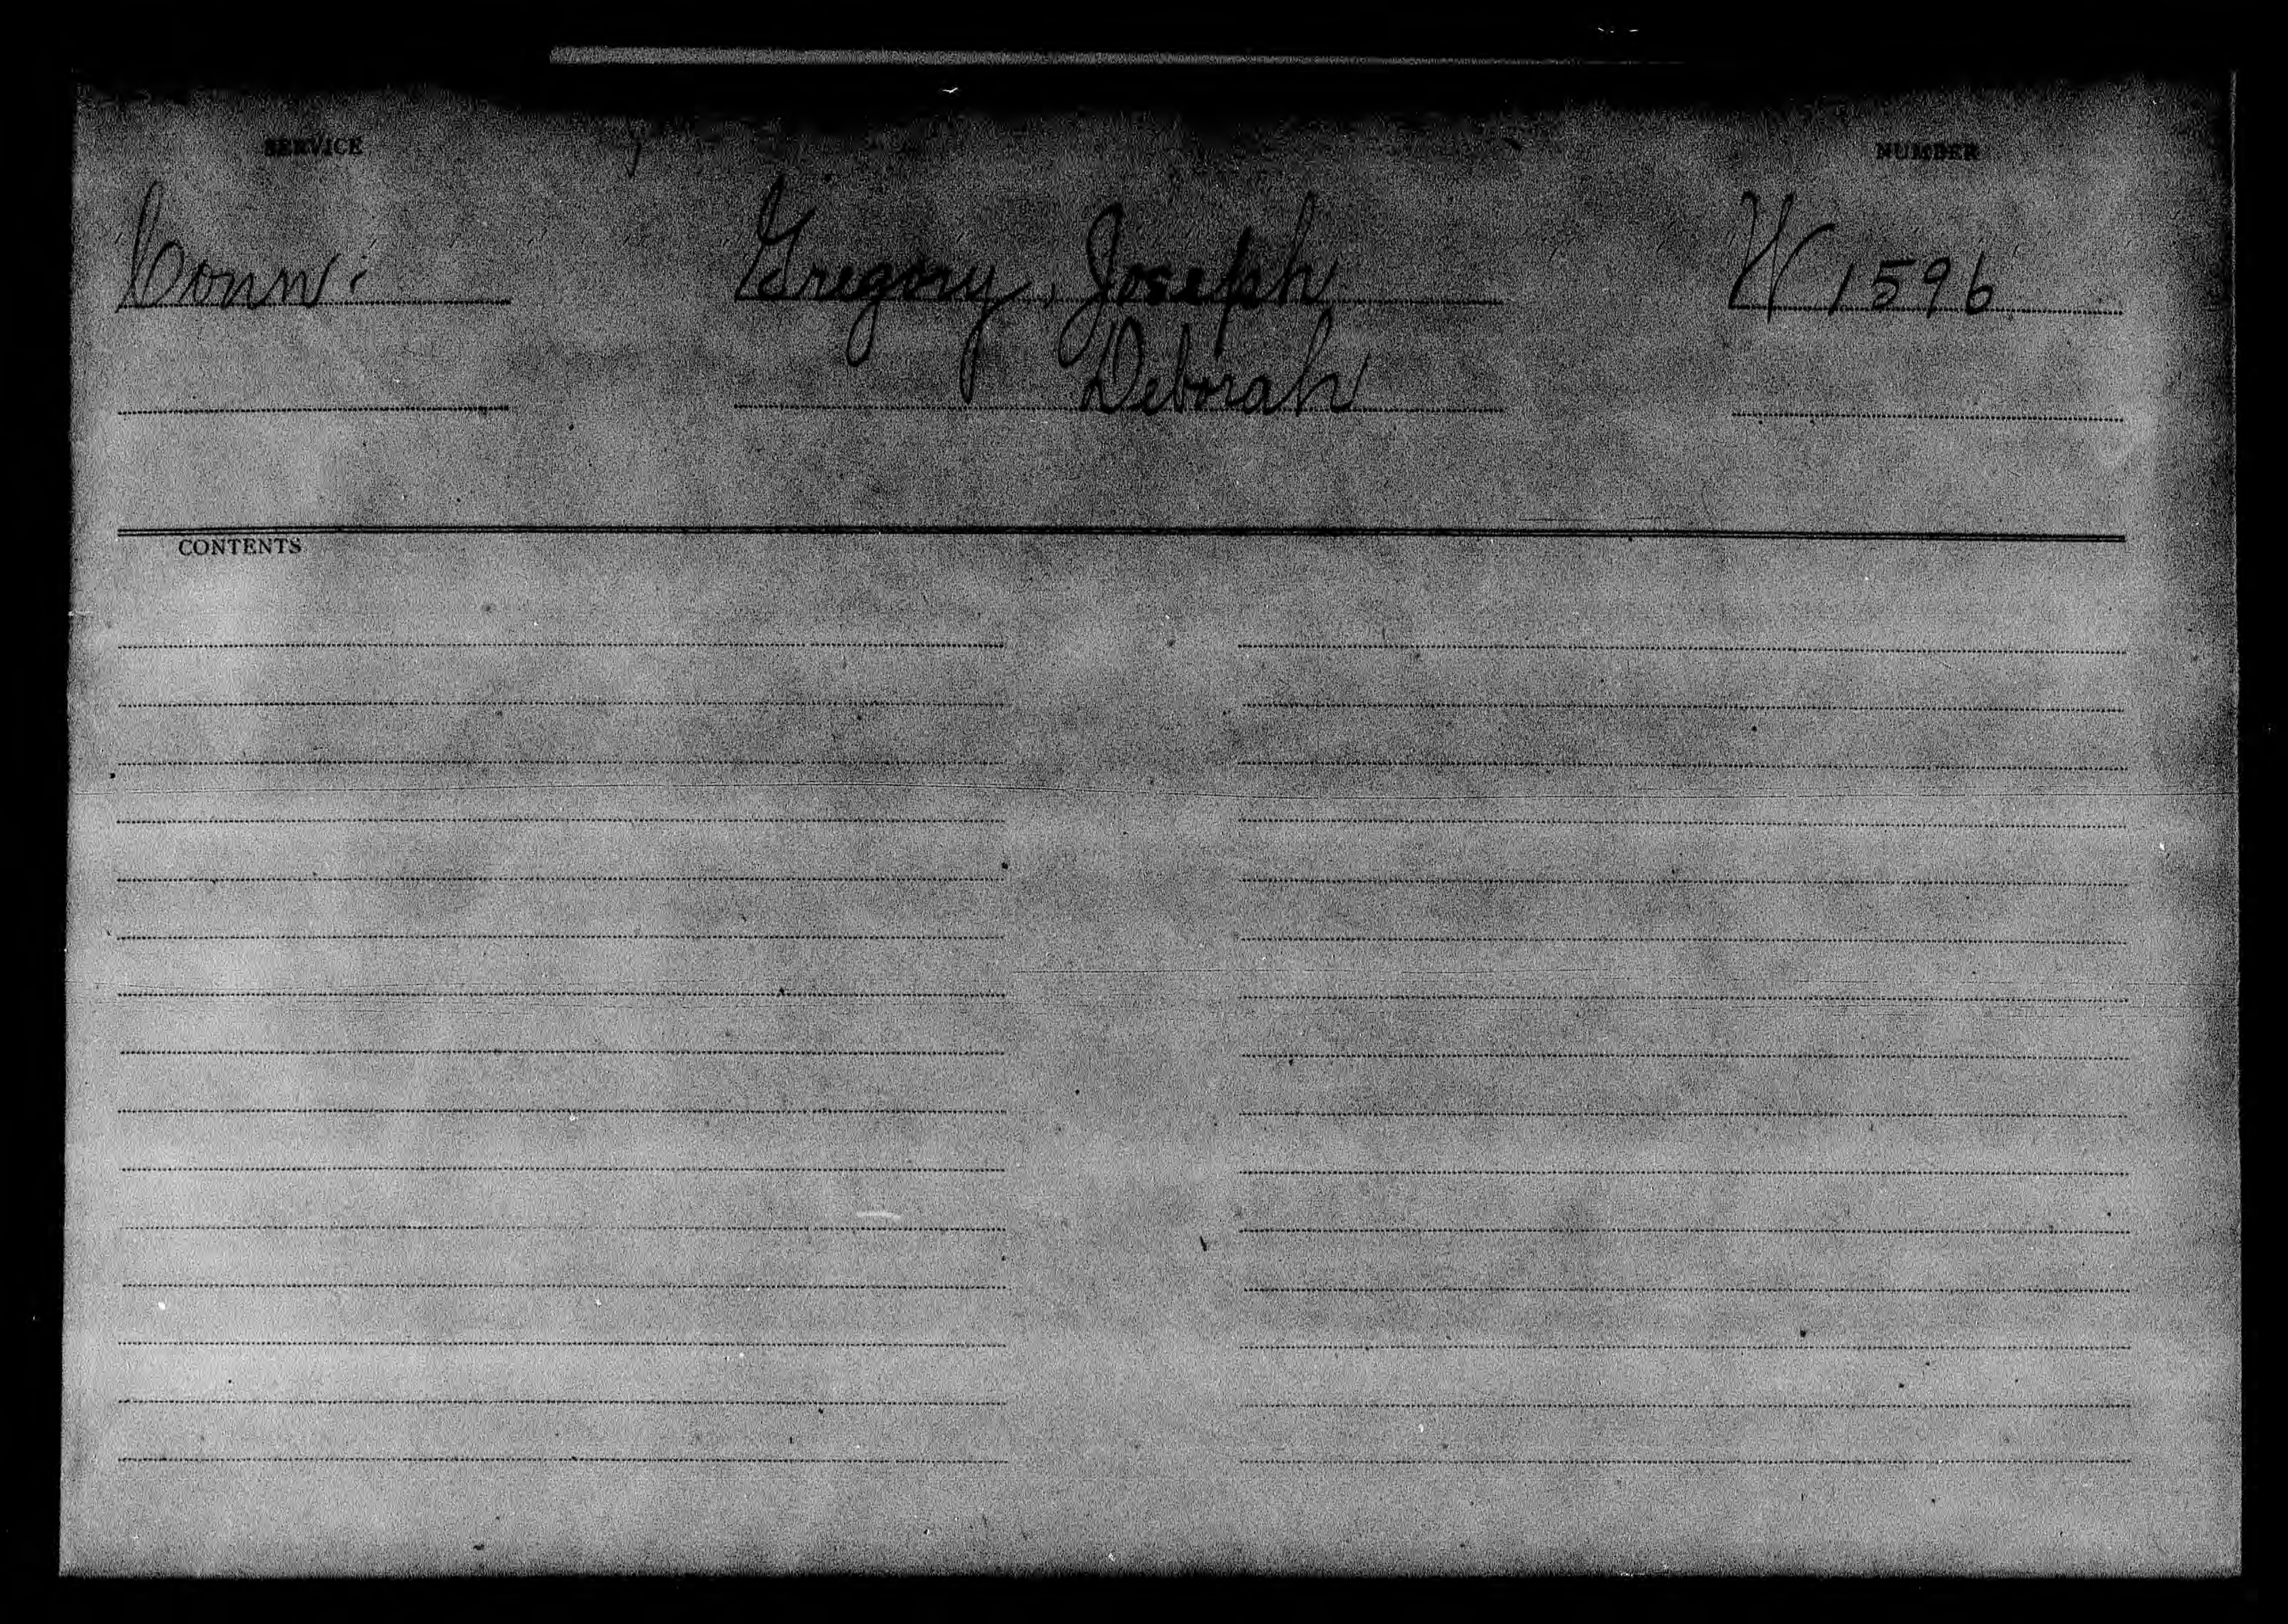SERVICE                                            NUMBER

Connt               Gregory, Joseph       W 1596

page: 1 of 34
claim: widow's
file: W. 1596, Joseph Gregory, Conn.